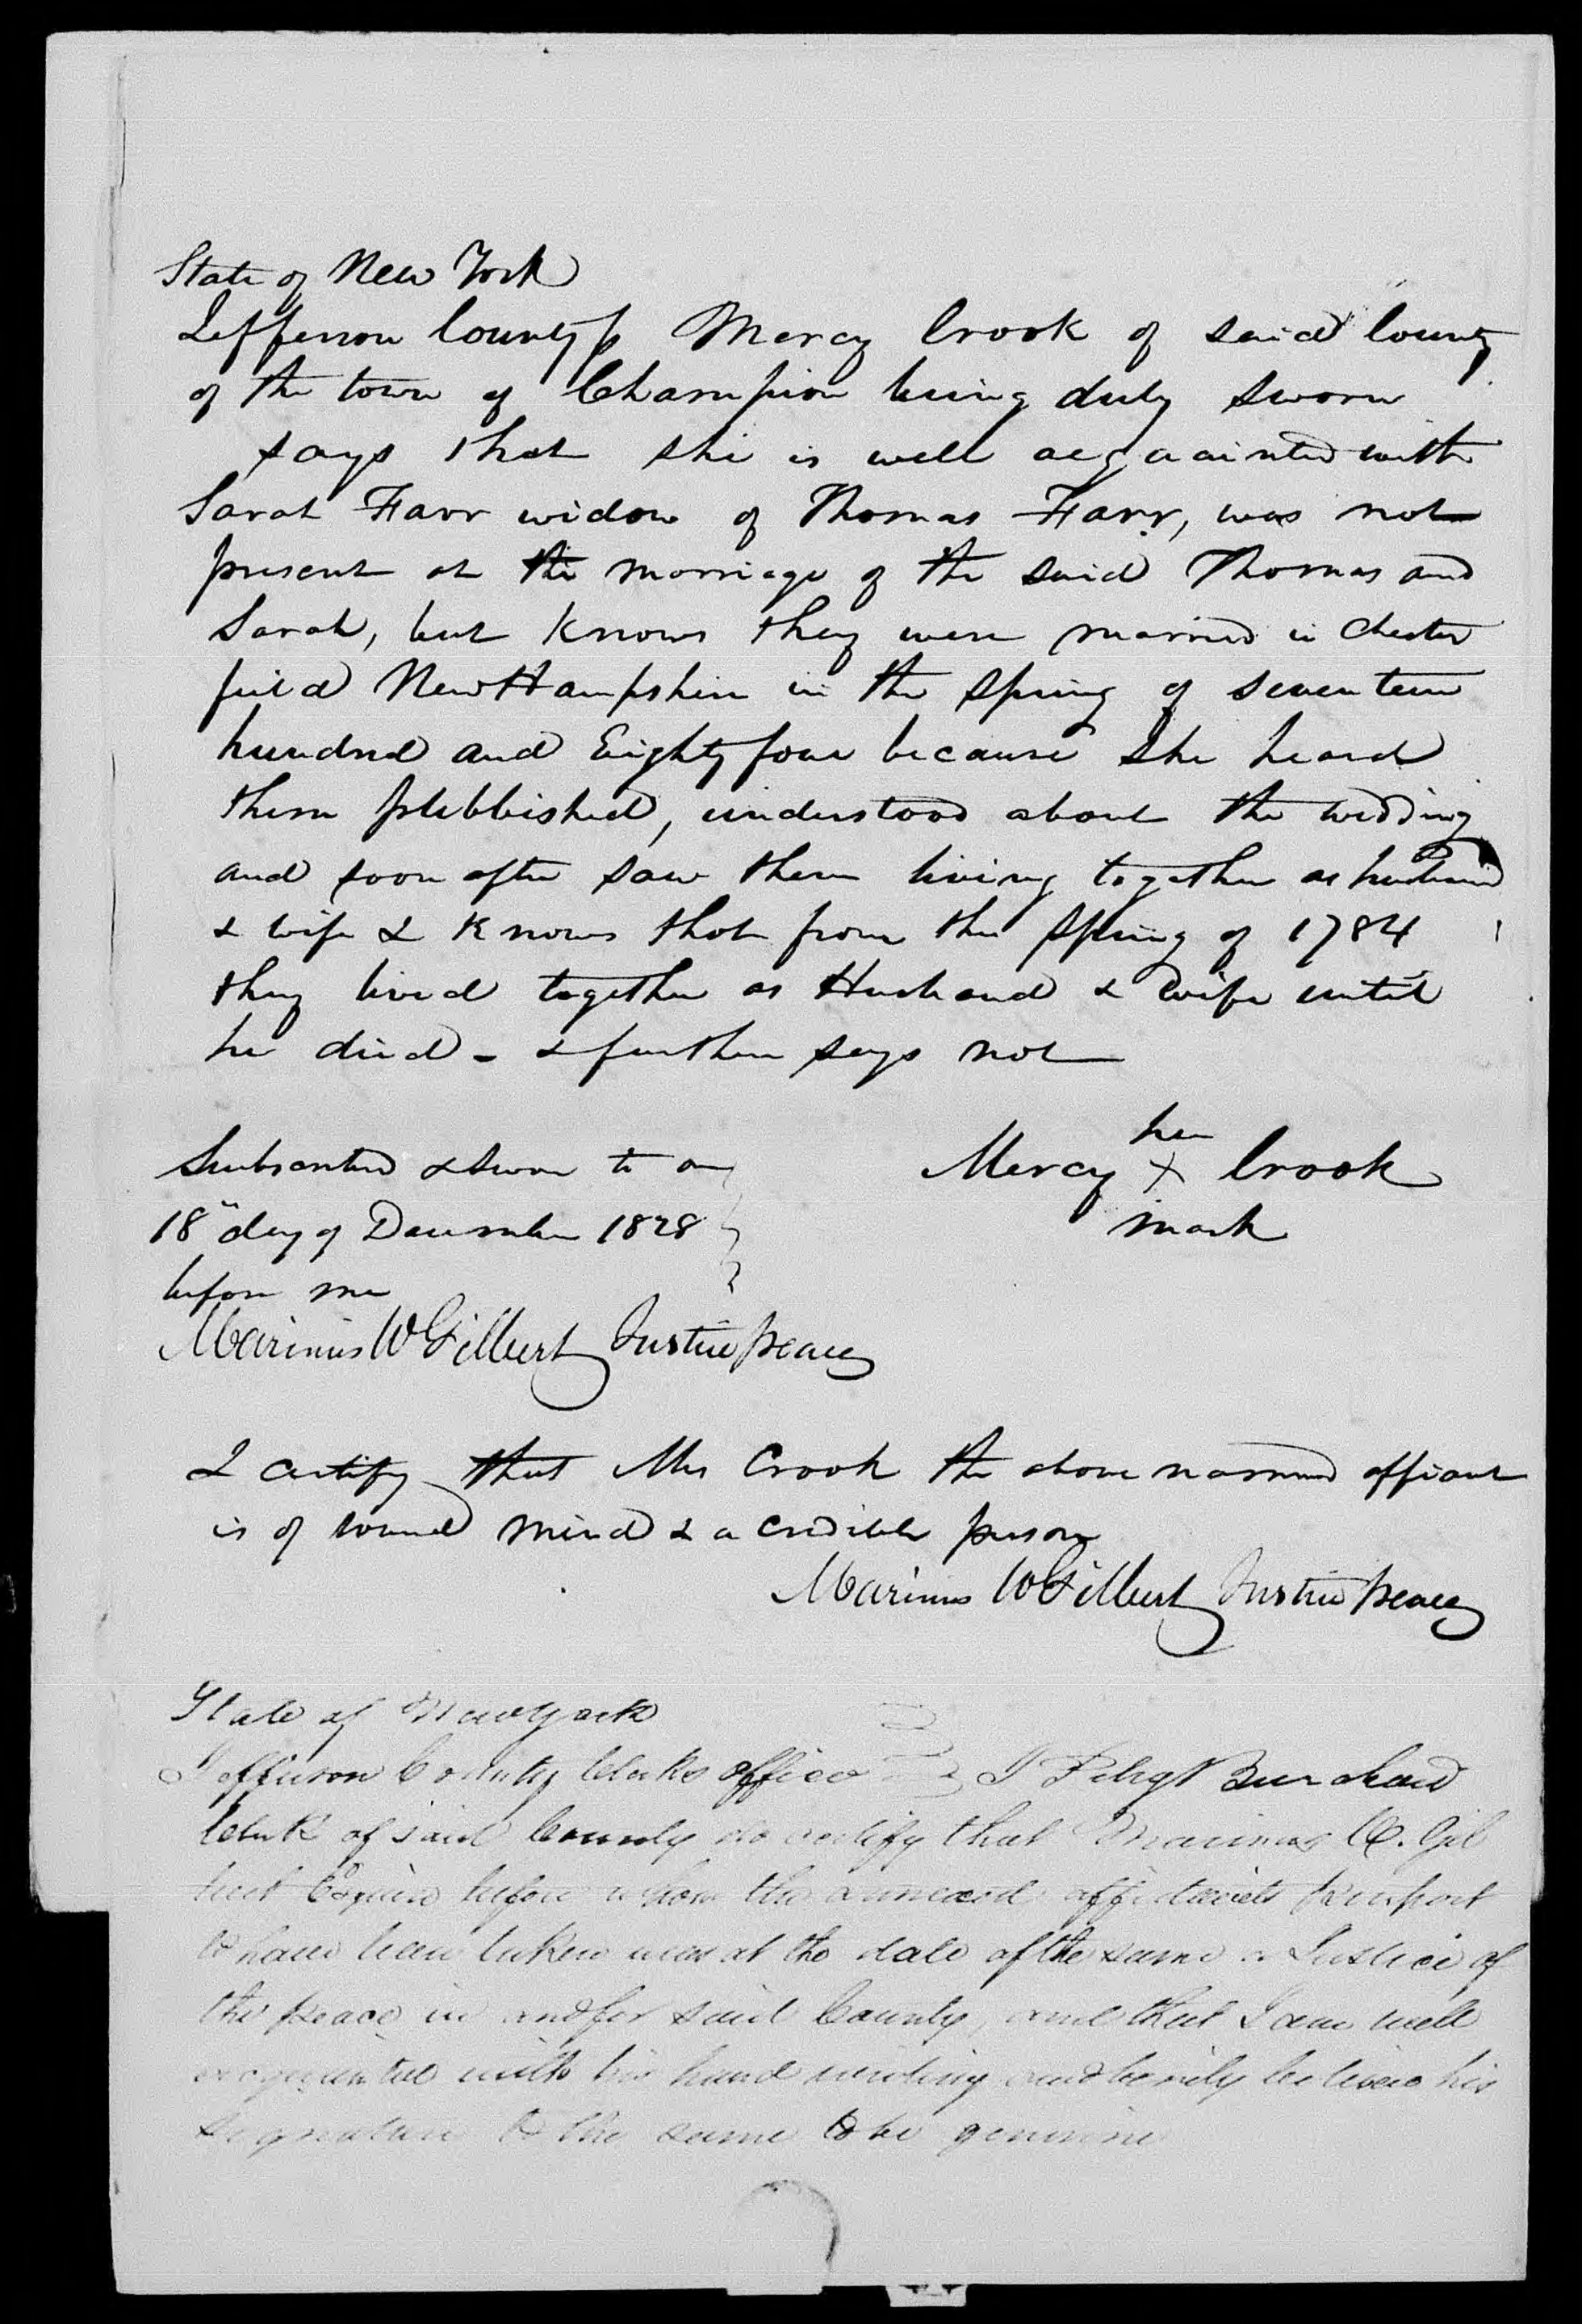State of New York
Jefferson County Mercy Crook of said County
of the town of Champion being duly sworn
says that she is well acquainted with
Sarah Farr widow of Thomas Farr, was not
present at the marriage of the said Thomas and
Sarah, but knows they were married in Chesterfield
New Hampshire in the spring of seventeen
hundred and Eighty four because she heard
them pubbished, understood about the wedding
and soon after saw them living together as husband
& wife & knows that from the spring of 1784
they lived together as Husband & wife until
he died - & further says not
                                                             her
Subscribed & sworn to a          Mercy X Crook
18 day of December 1828                mark
before me
Marinus W Gilbert Justice Peace

I certify that Mrs Crook the above named affiant
is of sound mind & a credible person
Marinus W Gilbert Justice Peace

State of New York
Jefferson County Clerks Office    I Peleg Burchard Clerk of said County do certify that Marinus W Gilbert
Esquire before whom the annexed affidavit purport
to have been taken was at the date of the same Justice of
the peace in afore said County, and that I am well
acquainted with his hand writing and verily believe his 
Signature to the same to be genuine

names: Crook, Sarah Farr, Peleg Burchard, Thomas Farr, Marinus W Gilbert, Marinus W Gilbert, Mercy Crook, Thomas, Sarah, Mercy Crook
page: 16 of 46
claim: widow's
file: W. 23022, Thomas Farr, N.H.